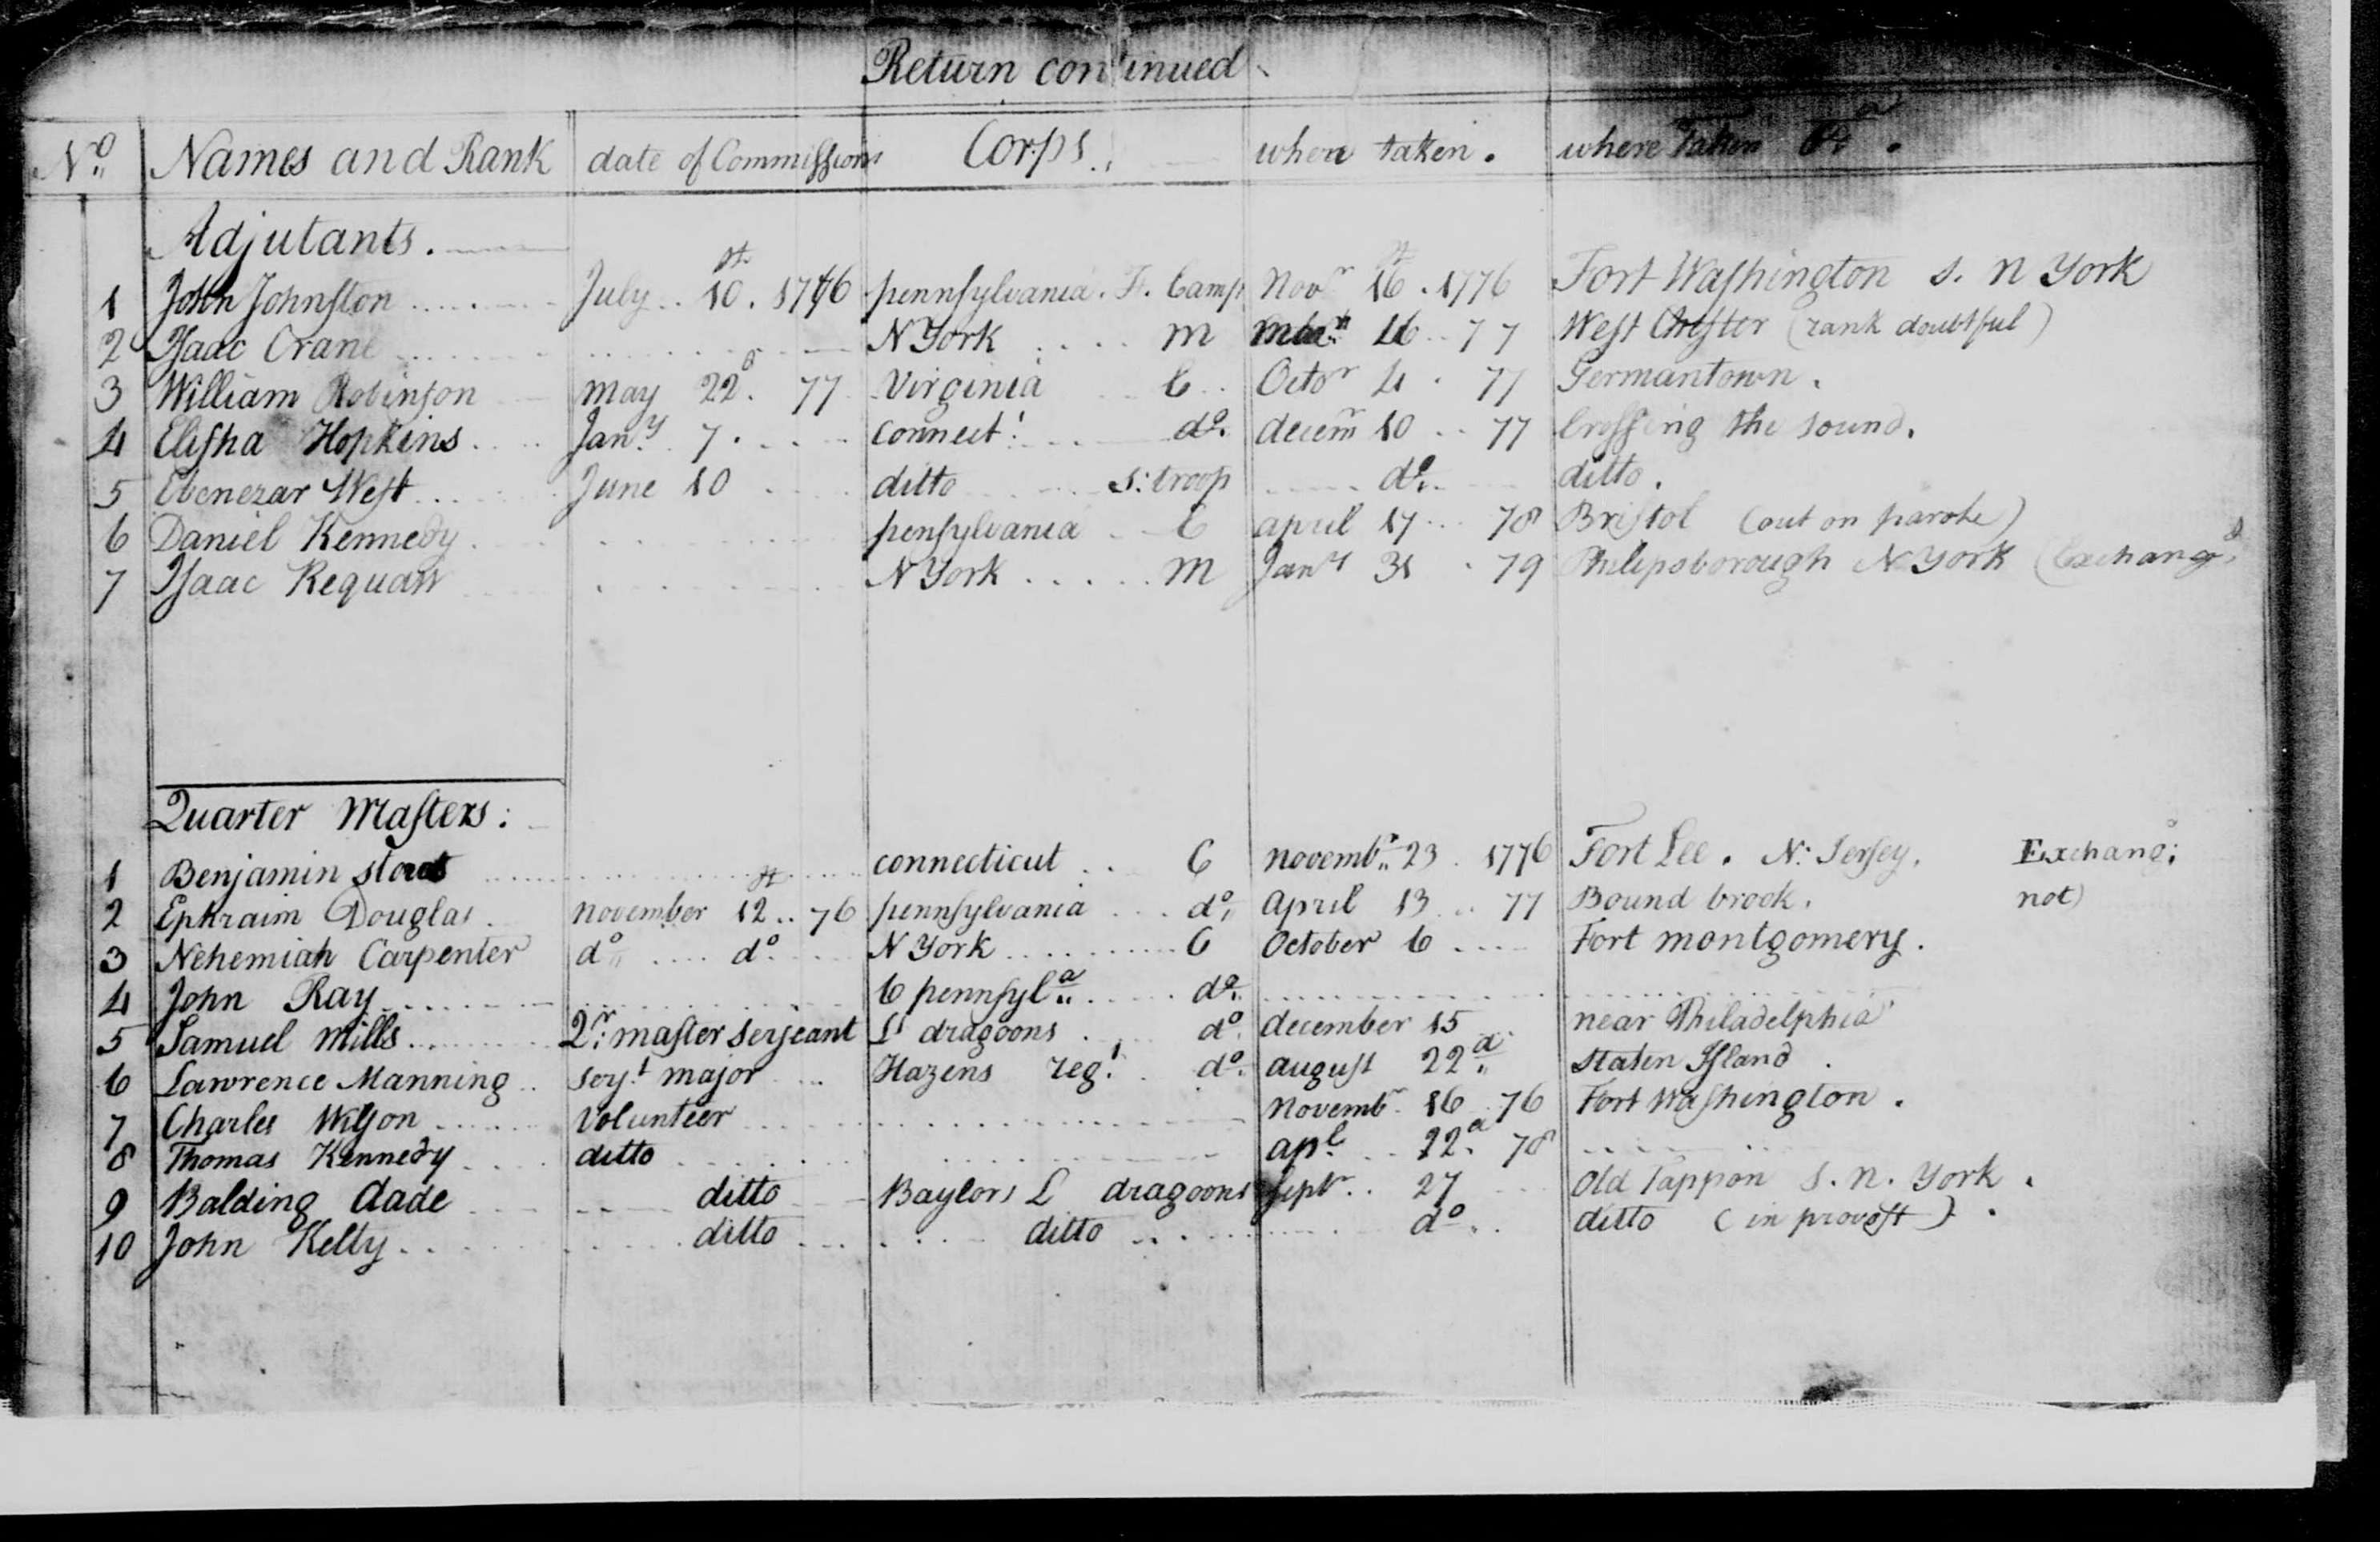Return continued. 
[column headings] No. Names and Rank. date of Commissions. Corps. when taken. where taken &ct.

Adjutants. 
1 | John Johnston | July 10th 1776 | Pennsylvania F. Camp | novr 16th 1776 | Fort Washington S. N York.
2 | Isaac Crane | ... | N York..M | Mar 16 77 | West Chester (rank doubtful). 
3 | William Robinson | May 22d 77 | Virginia C | Octor 4 77 | Germantown. 
4 | Elisha Hopkins | Jany 7 | Connect. do"| decemr 10 77 | Crossing the sound. 
5 | Ebenezar West | June 10 | ditto.. S: troop | do" | ditto. 
6 | Daniel Kennedy | ... | Pensylvania C | April 17 78 | Bristol (out on parole}. 
7 | Isaac Requass | ... | N York M | Jany 31 79 | Philipsborough N York (Exchangd. 

Quarter Masters: 
1 | Benjamin Stout | ... | Connecticut C | Novemb4 23 1776 | Fort Lee. N. Jersey, Exchang: 
2 | Ephraim Douglas | November 12 76 | Pennsylvania do" | April 13 77 | Bound brook. not ) . 
3 | Nehemiah Carpenter | do" do" | N York c | October 6 | Fort Montgomery.
4 | John Ray | ... | 6 Pennsyla do" | ... | ...
5 | Samuel Mills | 2n Master serjeant | Lt dragoons do" | december 15 | near Philadelphia. 
6 | Lawrence Manning | serjt major | Hazens reg. do" | August 22d | Staten Island. 
7 | Charles Wilson | Volunteer | ... | Novembr 16 76 | Fort Washington. 
8 | Thomas Kennedy | ditto | ... | Apl 22d 787 | ... 
9 | Balding Dade | ditto | Baylors L dragoons | Sept 27 | old Tappon S. N. York.
10 | John Kelly | ditto | ditto | do" | ditto (in provost).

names: Elisha Hopkins, Lawrence Manning, Charles Wilson, Nehemiah Carpenter, John Johnston, Isaac Requarr, John Ray, Ephraim Douglas, William Robinson, Samuel Mills, Ebenezar West, Daniel Kennedy, John Kelly, Thomas Kennedy, Isaac Crane, Benjamin Stout, Balding Dade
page: 31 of 57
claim: survivor's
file: S. 2161, Hezekiah Davies, Penn